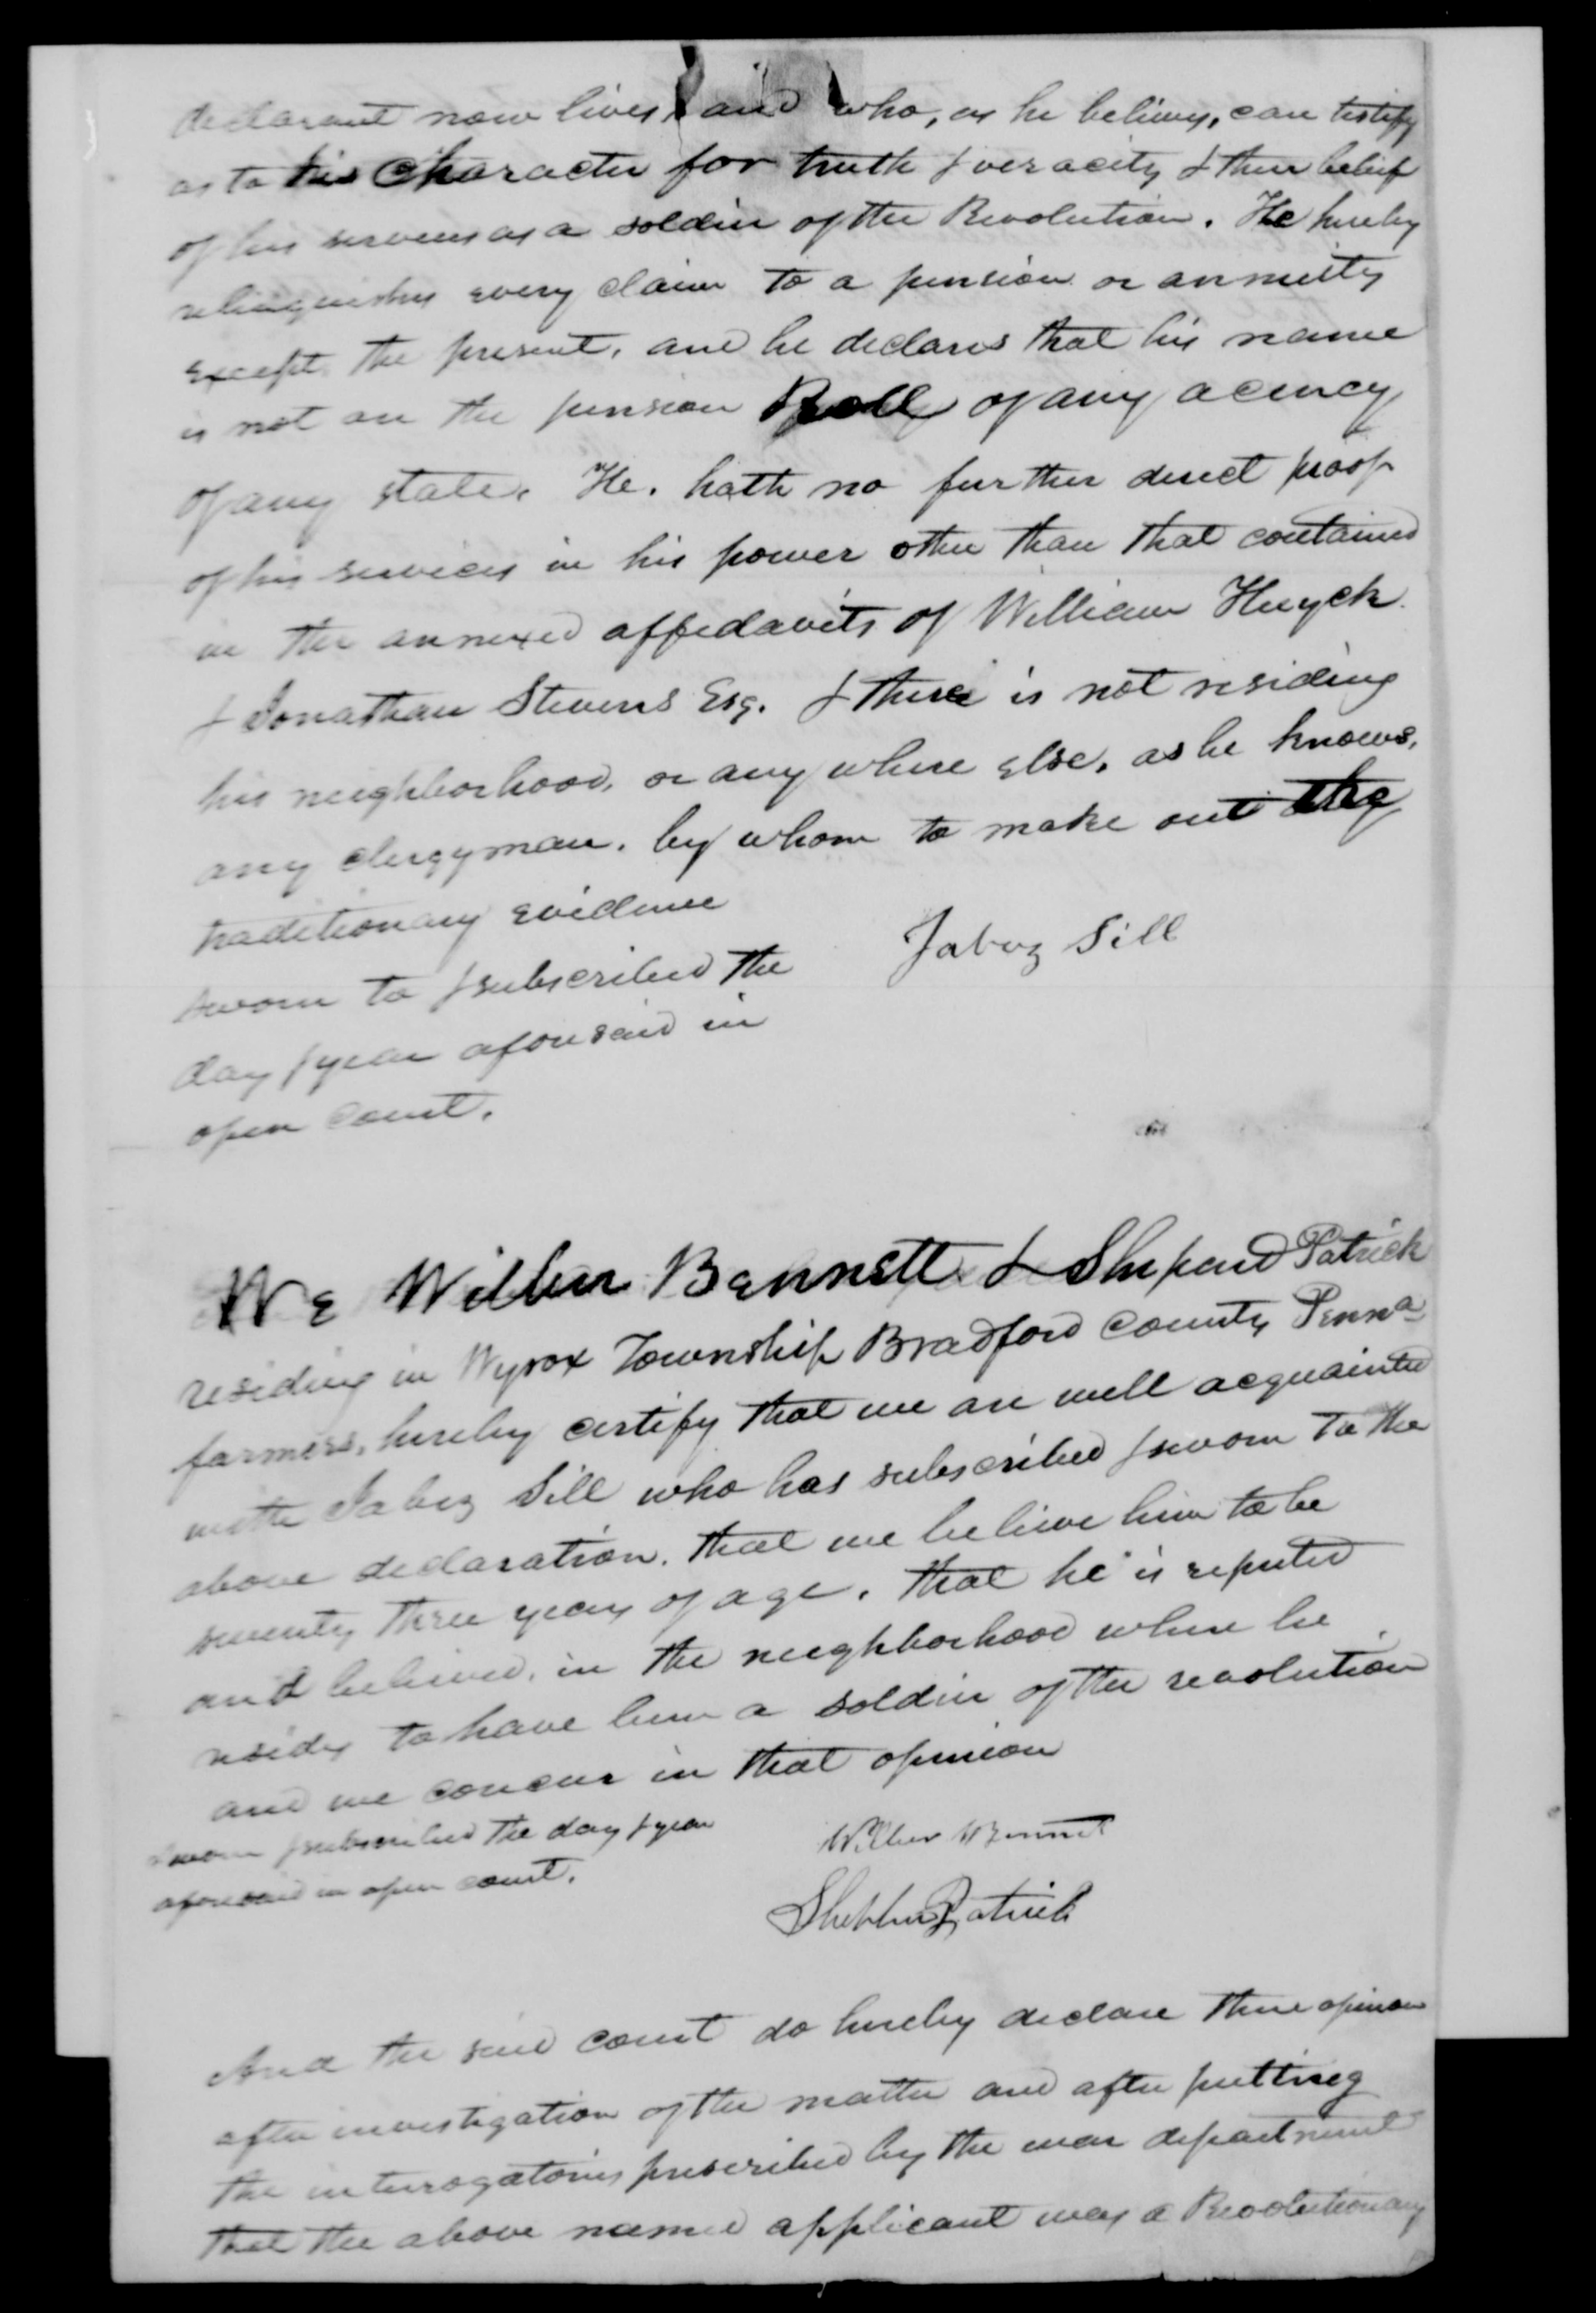Declaring now lives and who, or he believes can testify to his character for truth & veracity of their belief of his service as a soldier of the Revolution. He knowingly acknowledges every claim to a pension or annuity except the present, and he declares that his name is not on the pension Roll of any agency of any state. He hath no further [illegible] proof of his services in his power other than that contained in the annexed affidavits of William Huych, & Jonathan Stevens Esq & those is not residing in his neighborhood or anywhere else as he knows any clergyman, by whom to make out the [illegible] evidence. Sworn to & subscribed the day/year aforesaid in [illegible]. /s/ Jabez Sill

Mr. Wilber Bennett J Shepard Patrick residing in Mysox Township Bradford County Pennsylvania, farmers hereby certify that we are well acquainted with Jabez Sill who has subscribed sworn to the above declaration, that we believe him to be seventy three years of age, that he is reputed and believed, in the neighborhood where he resides to have been a soldier of the revolution and we [illegible] in that admission. 
[seal] 
And the said Court do hereby declare there [illegible] after investigation of the matter and after putting the investigation prescribed by the war department that the above named applicant was a Revolutionary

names: Jonathan Stevens; Jabez Sill; Wilber Bennett; Jabez Sill; Shepard Patrick; Shepard Patrick; William Huyck; Wilber Bennet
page: 6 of 29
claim: rejected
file: R. 9570, for Jabez Sill, Connecticut